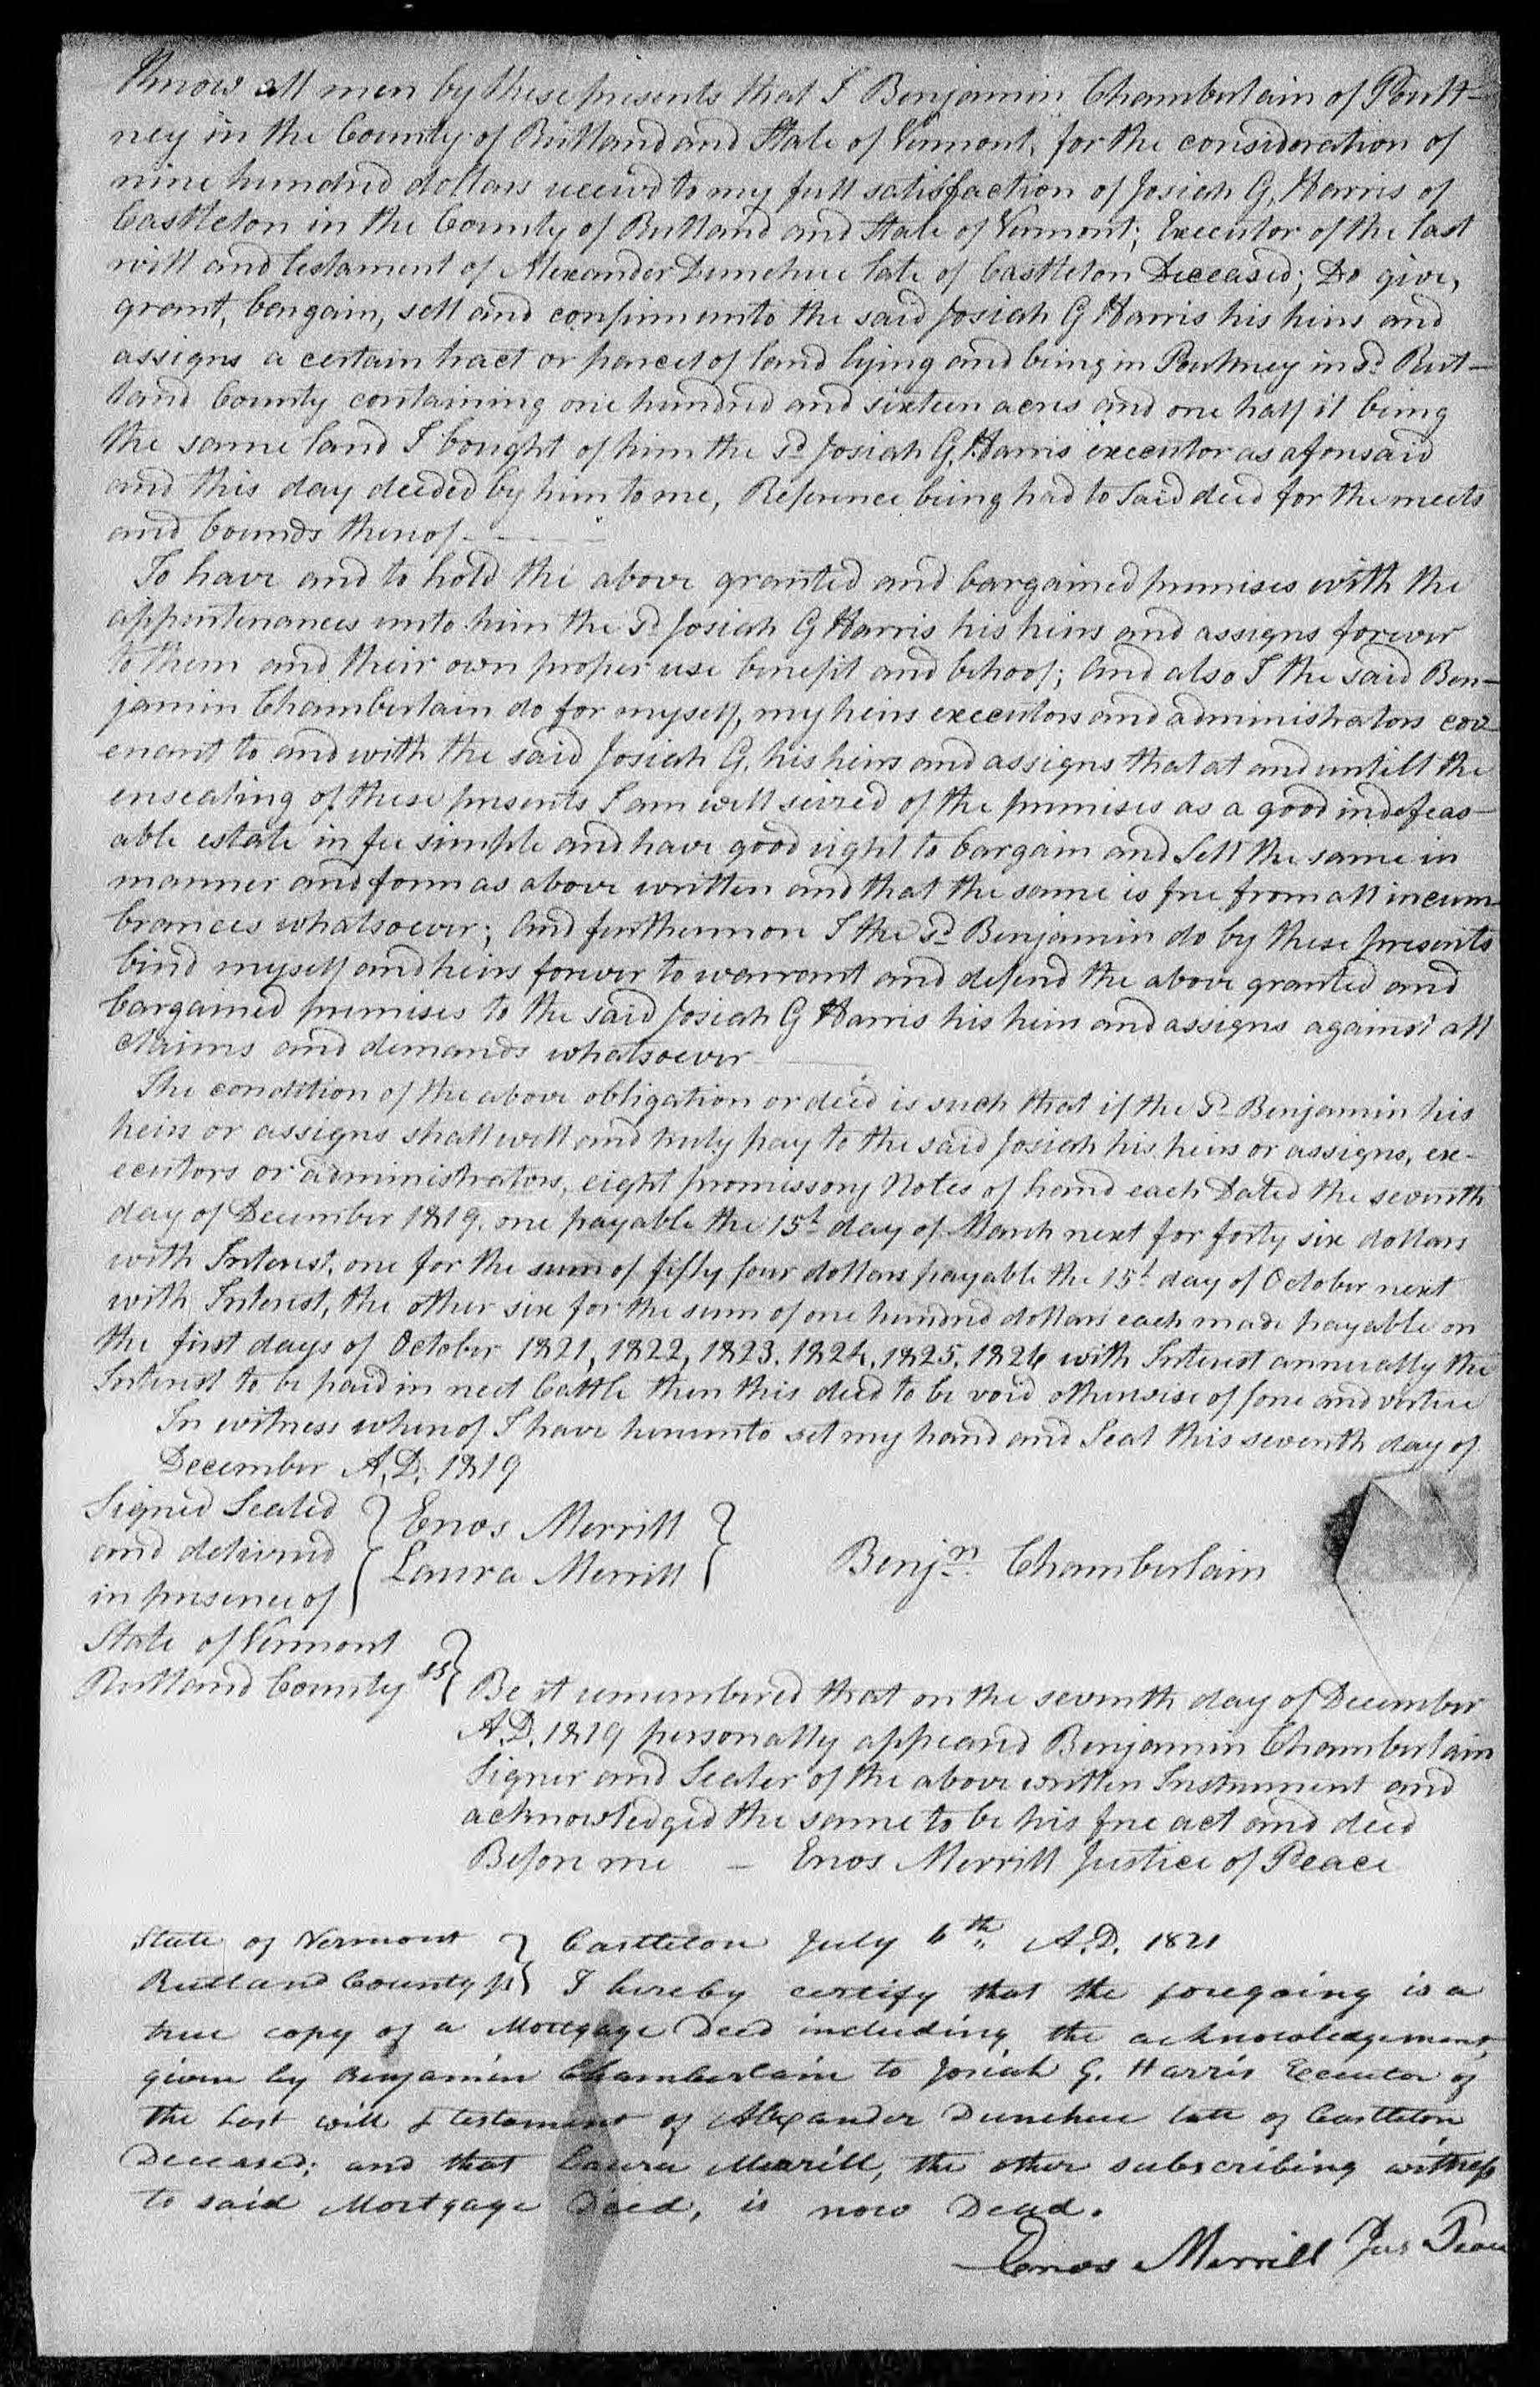Know all men by these present that I Benjamin Chamberlain of Poultney in the county of Rutland and the State of Vermont, for the consideration of nine hundred dollars received to my full satisfaction of Josiah G. Harris of Castleton in the County of Rutland and State of Vermont; Executor of the last will and testament of Alexander Dunehue late of Castleton deceased; Do give, grant, bargain, sell and confirm unto the said Josiah G. Harris his heirs and assigns a certain tract or parcel of land lying and being in Poultney in S. Rutland County containing one hundred and sixteen acres and one half it being the same land I bought of him the s'd Josiah G. Harris executor as aforesaid and this day decided by him to me, Reference being had to said deed for the meets and bounds thereof ----
To have and to hold the above granted and bargained promises with the appurtenances  unto him the s'd Josiah G Harris his heirs and assigned forever to them and their own proper use benefit and behoof; and also I the said Benjamin Chamberlain do for myself, my heirs executors and administrators consisting of these presents I am well served of the promises as a good indefeasible estate in for simple and have good right to bargain and sell the same in manner and form as above written and that the same is free from all incumbrances whatsoever; and furthermore that s'd Benjamin do by these presents bind myself and heirs forever to warrant and defend the above granted and bargained promises to the said Josiah G Harris his heirs and assigned against all claims and demands whatsoever ----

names: Josiah G Harris, Benjamin, Benjamin Chamberlain, Laura Merrill, Benjn Chamberlain, Josiah, Benjamin Chamberlain, Alexander Donohue, Laura Marill, Josiah G Harris, Enos Merrill, Josiah G Harris, Josiah G Harris, Benjamin Chamberlain, Josiah G Harris, Benjamin, Enos Merrill, Benjamin Chamberlain, Alexander Donohue, Josiah G, Josiah G Harris, Enos Merrill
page: 27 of 30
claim: survivor's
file: S. 39306, Benjamin Chamberlin, Mass.